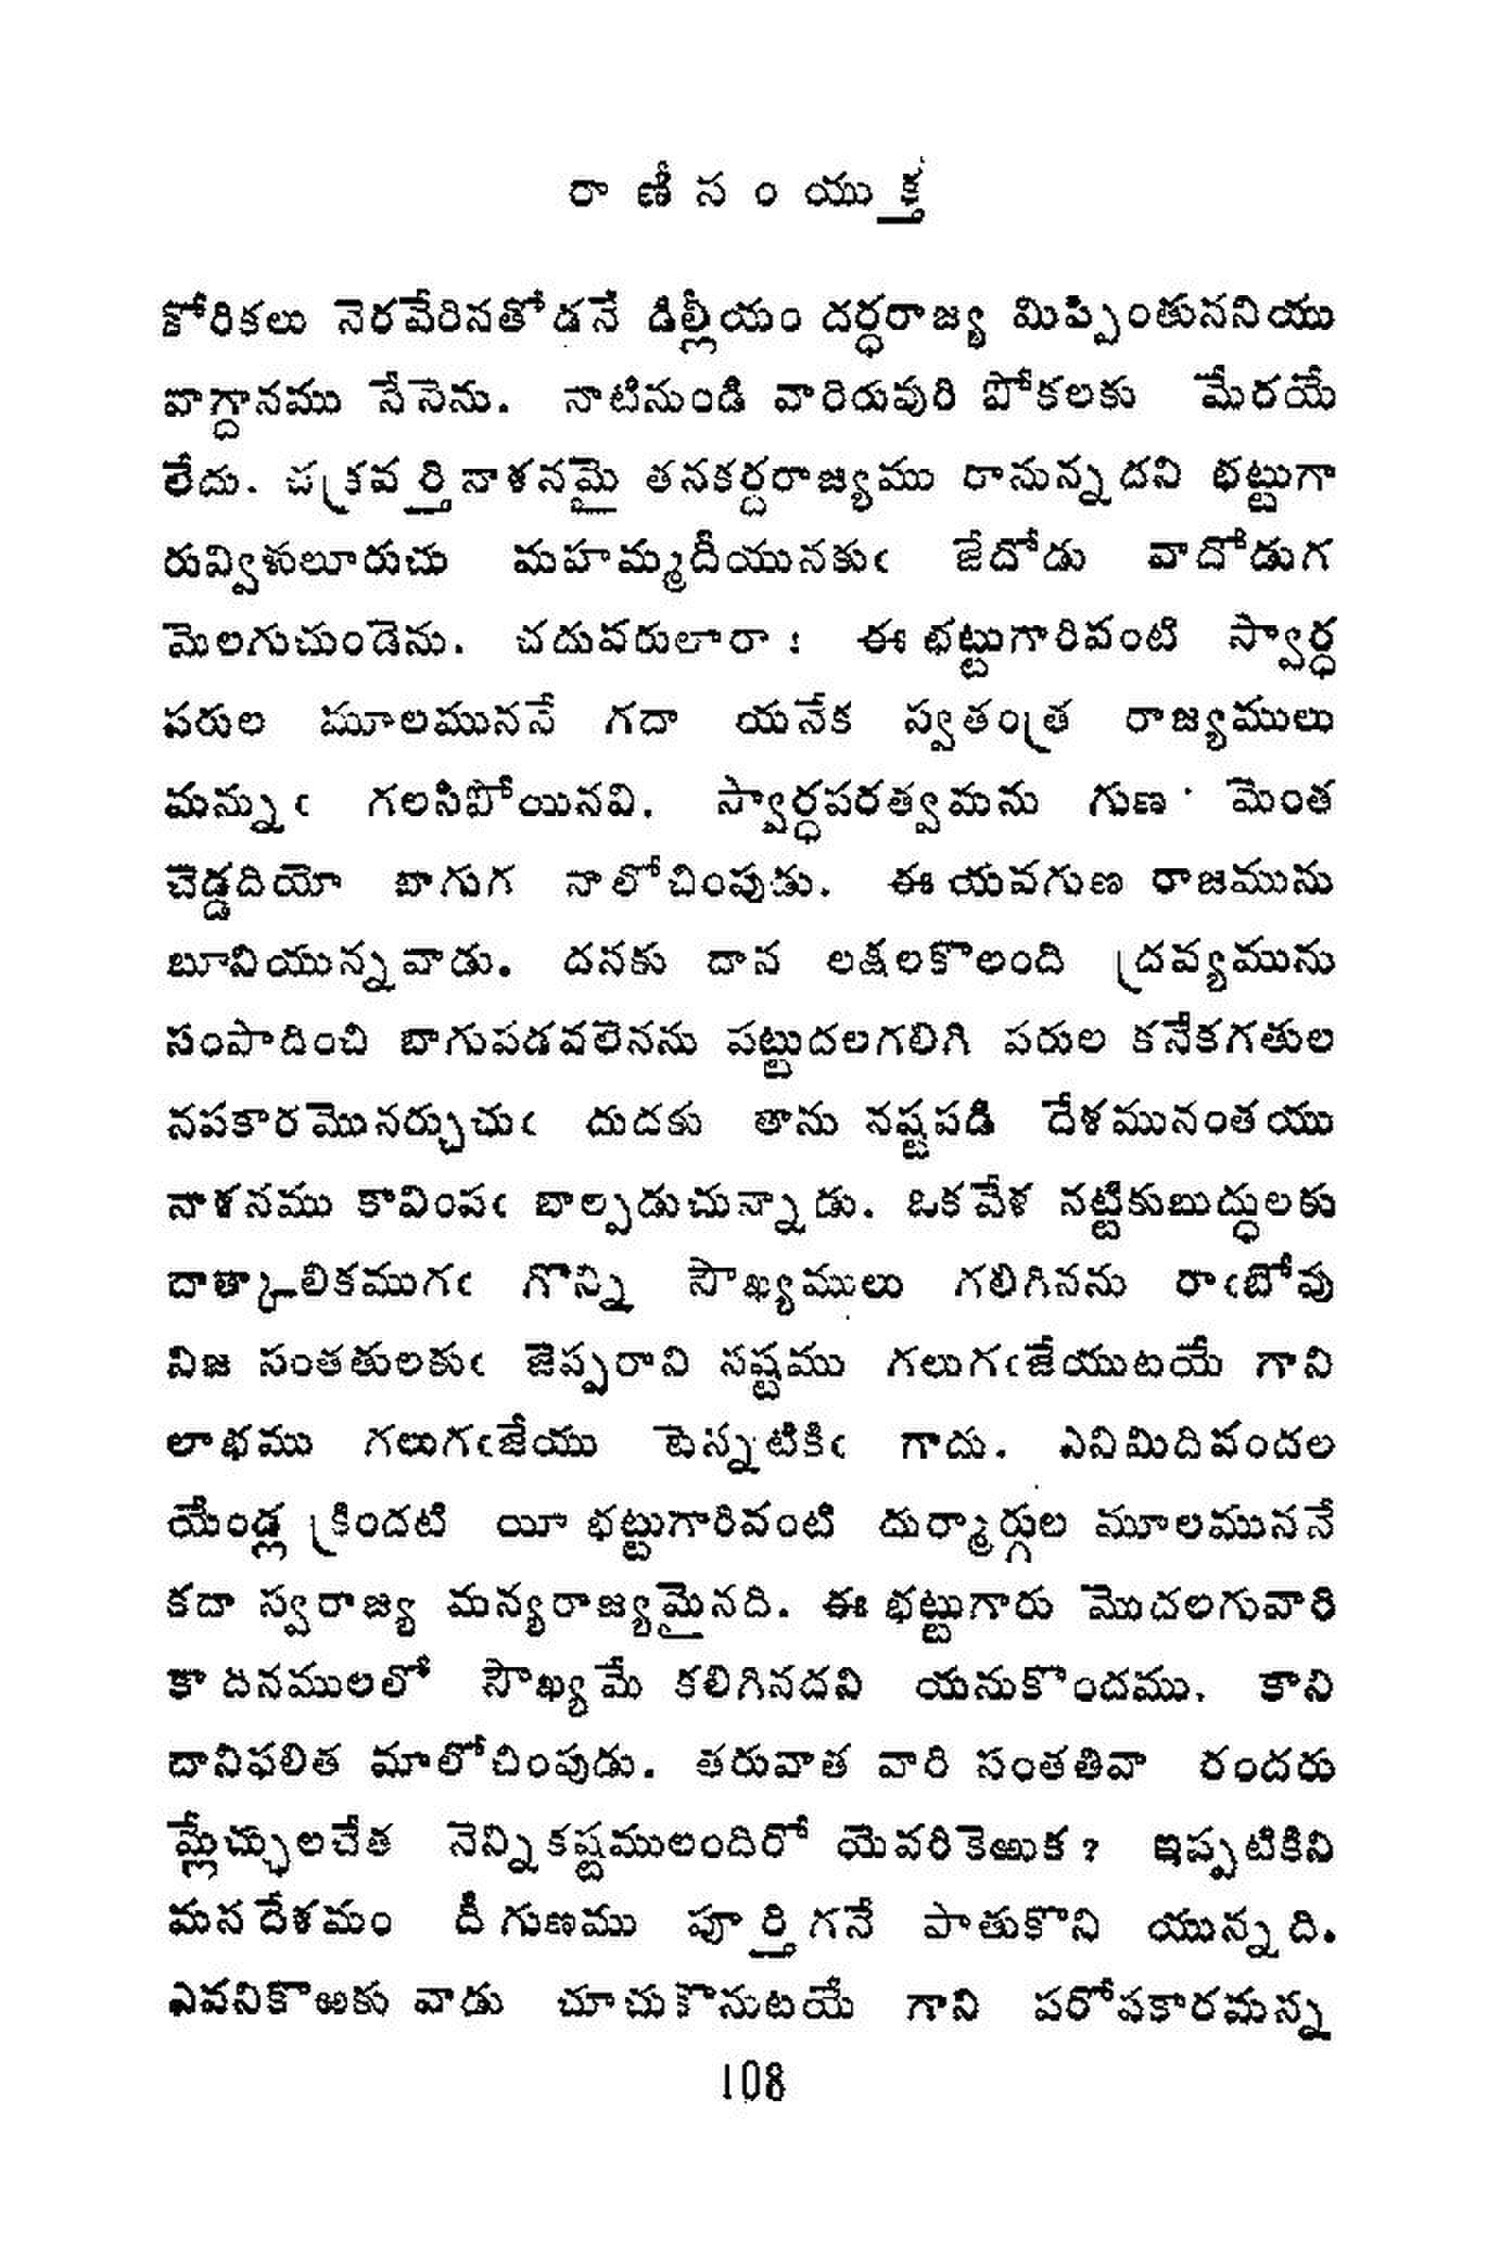కోరికలు నెరవేరినతోడనే డిల్లీయం దర్ధరాజ్య మిప్పింతుననియు వాగ్దానము సేసెను. నాటినుండి వారిరువురి పోకలకు మేరయే లేదు. చక్రవర్తినాశనమై తనకర్దరాజ్యము రానున్నదని భట్టుగా రువ్విళులూరుచు మహమ్మదీయునకుఁ జేదోడు వాదోడుగ మెలగుచుండెను. చదువరులారా! ఈ భట్టుగారివంటి స్వార్ధపరుల మూలముననే గదా యనేక స్వతంత్ర రాజ్యములు మన్నుఁ గలసిపోయినవి. స్వార్ధపరత్వమను గుణ మెంత చెడ్డదియో బాగుగ నాలోచింపుడు. ఈ యవగుణ రాజమును బూనియున్నవాడు. దనకు దాన లక్షలకొలంది. ద్రవ్యమును సంపాదించి బాగుపడవలెనను పట్టుదలగలిగి పరుల కనేకగతుల నపకారమొనర్చుచుఁ దుదకు తాను నష్టపడి దేశమునంతయు నాశనము కావింపఁ బాల్పడుచున్నాడు. ఒకవేళ నట్టికుబుద్ధులకు దాత్కాలికముగఁ గొన్ని సౌఖ్యములు గలిగినను రాఁబోవు నిజ సంతతులకుఁ జెప్పరాని నష్టము గలుగఁజేయుటయే గాని లాభము గలుగఁజేయు టెన్నటికిఁ గాదు. ఎనిమిదివందలయేండ్ల క్రిందటి యీ భట్టుగారివంటి దుర్మార్గుల మూలముననే కదా స్వరాజ్య మన్యరాజ్యమైనది. ఈ భట్టుగారు మొదలగువారి కా దినములలో సౌఖ్యమే కలిగినదని యనుకొందము. కాని దానిఫలిత మాలోచింపుడు. తరువాత వారి సంతతివా రందరు మ్లేచ్ఛులచేత నెన్ని కష్టములందిరో యెవరికెఱుక? ఇప్పటికిని మనదేశమం దీ గుణము పూర్తిగనే పాతుకొని యున్నది. ఎవనికొఱకు వాడు చూచుకొనుటయే గాని పరోపకారమన్న